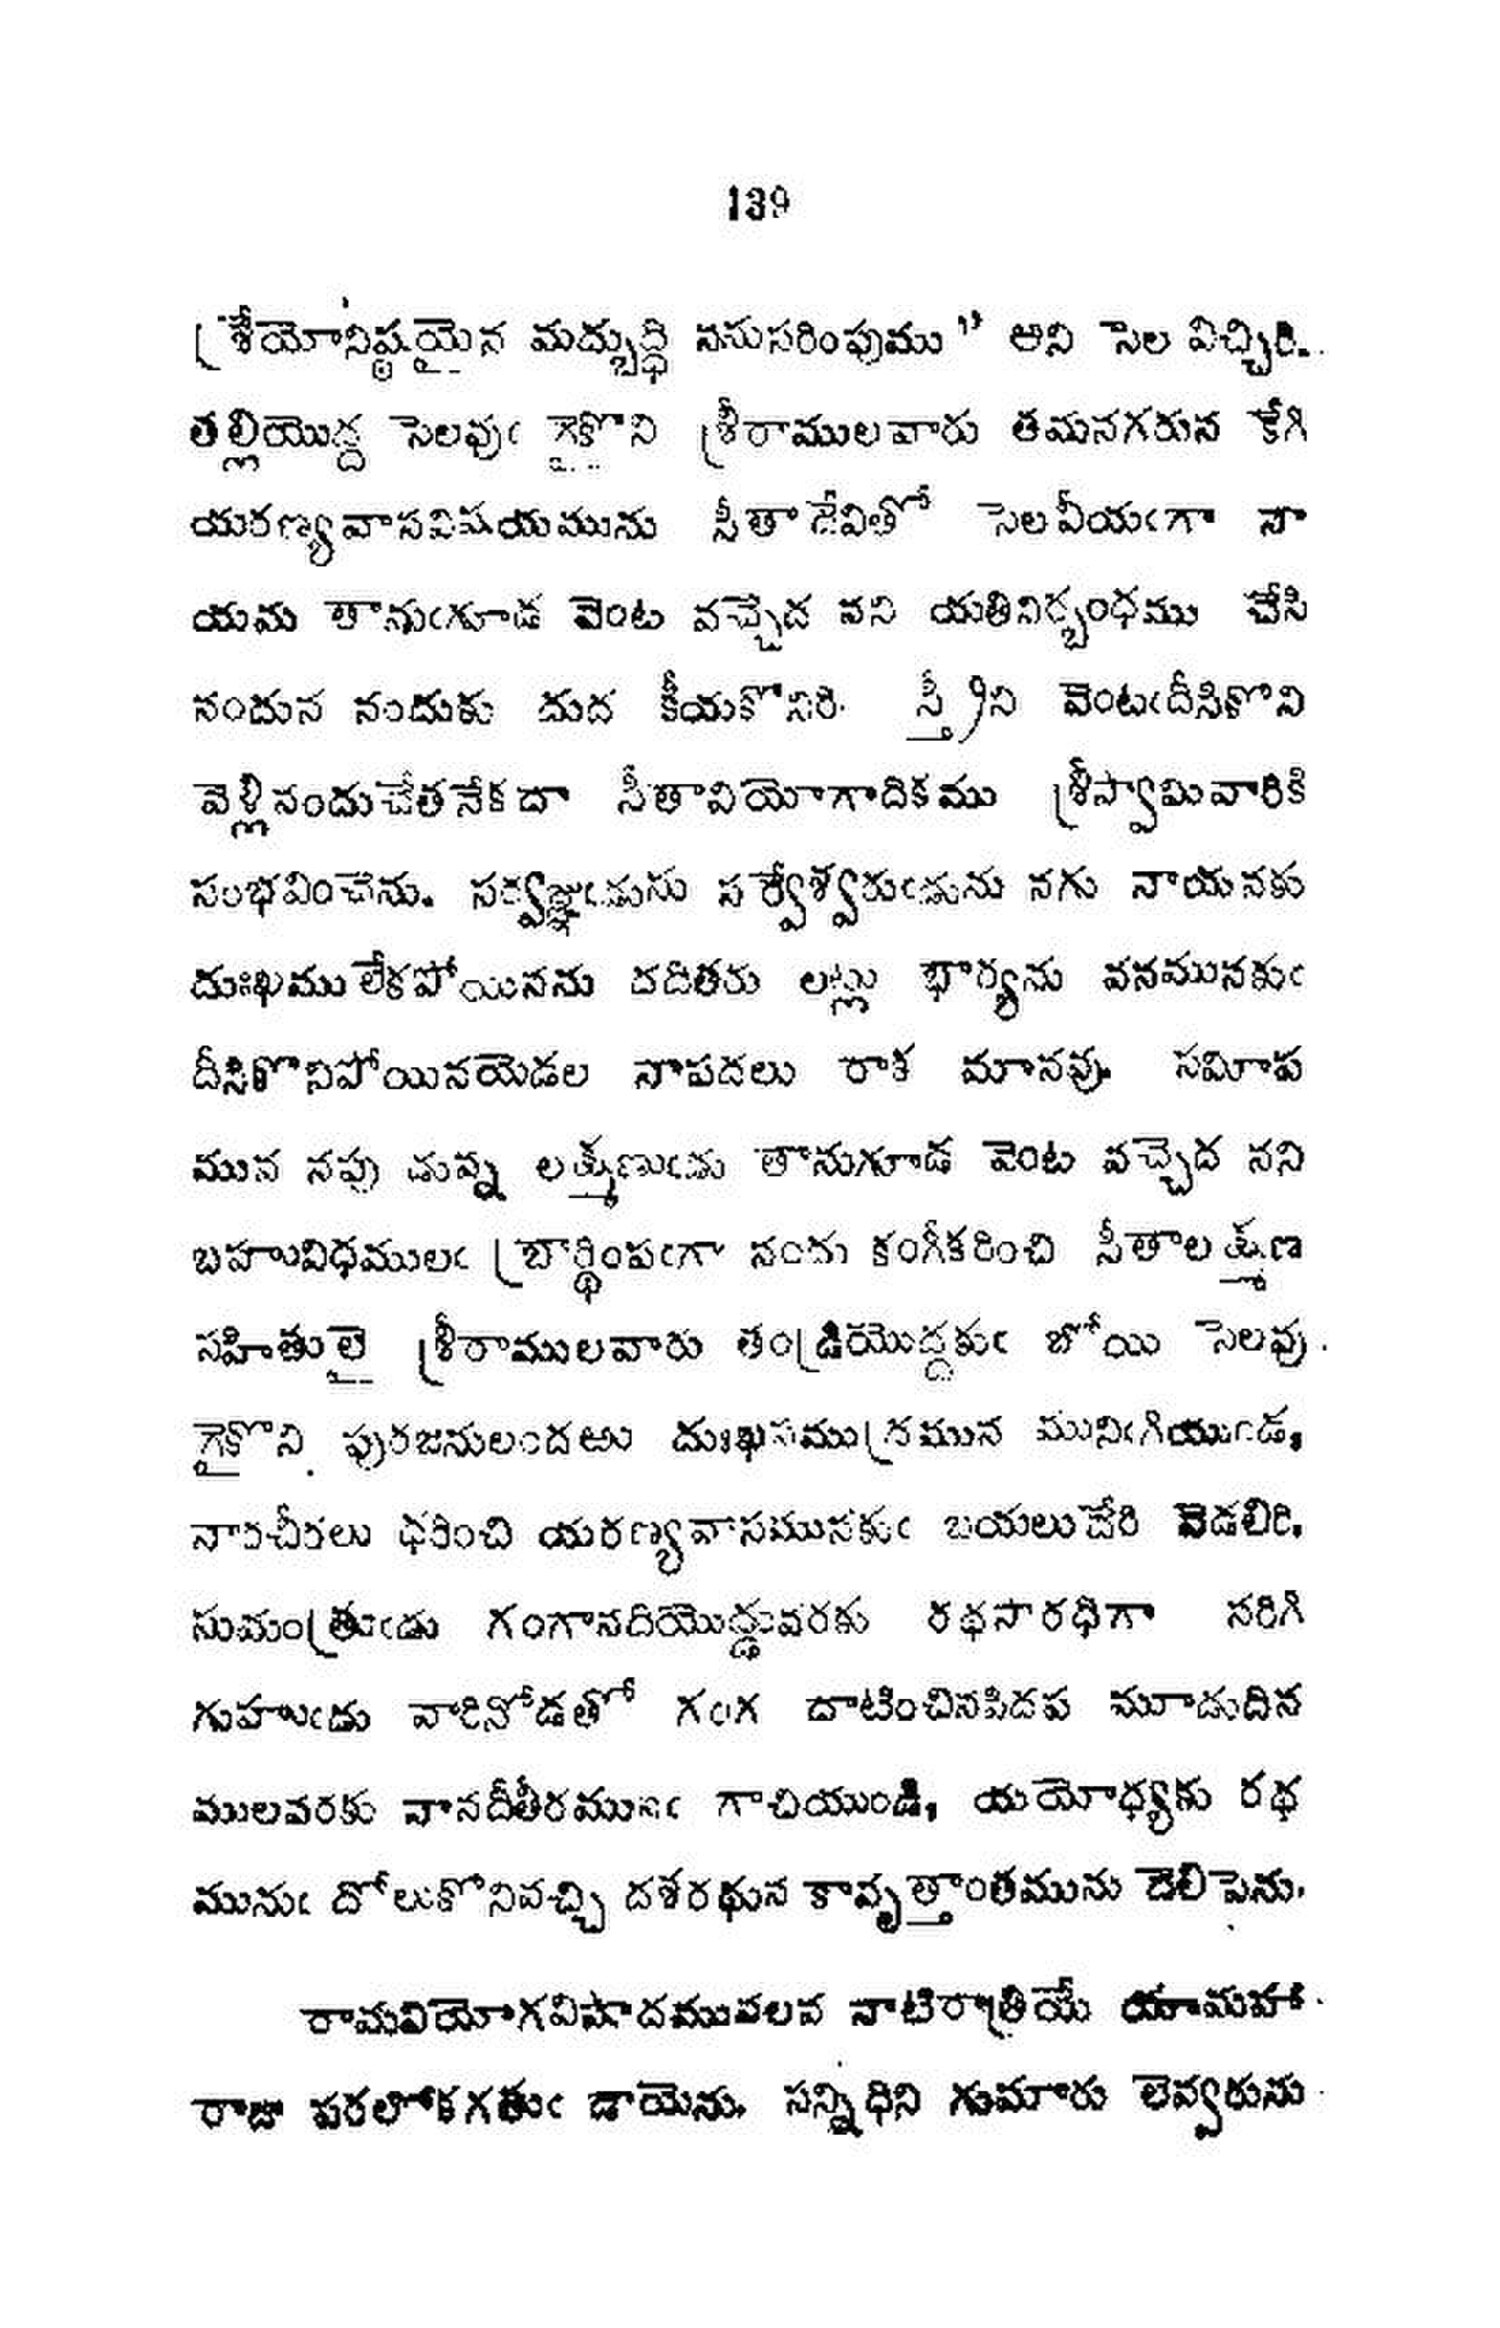శ్రేయోనిష్ఠయైన మద్బుద్ధి ననుసరింపుము" అని సెల విచ్చిరి. తల్లియొద్ద సెలవుఁ గైకొని శ్రీరాములవారు తమనగరున కేగి యరణ్యవాసవిషయమును సీతాదేవితో సెలవీయఁగా నా యమ తానుఁగూడ వెంట వచ్చెద నని యతినిర్భంధము చేసినందున నందుకు దుద కోయకొనిరి. స్త్రీని వెంటఁదీసికొని వెళ్లినందుచేతనేకదా సీతావియోగాదికము శ్రీస్వామివారికి సంభవించెను. సర్వజ్ఞుఁడును సర్వేశ్వరుఁడును నగు నాయనకు దుఃఖములేకపోయినను దదితరు లట్లు భార్యను వనమునకుఁ దీసికొనిపోయినయెడల నాపదలు రాక మానవు. సమీపమున నపు డున్న లక్ష్మణుఁడు తానుగూడ వెంట వచ్చెద నని బహువిధములఁ బ్రార్థింపగా నందు కంగీకరించి సీతాలక్ష్మణ
సహితులై శ్రీరాములవారు తండ్రియొద్దకుఁ బోయి సెలవు గైకొని పురజనులందఱు దుఃఖ సముద్రమున మునిఁగియుండ, నారచీరలు ధరించి యరణ్యవాసముసకుఁ బయలుదేరి వెడలిరి.
సుమంత్రుఁడు గంగానదియొడ్డువరకు రథసారధిగా నరిగి గుహుఁడు వారినోడతో గంగ దాటించినపిదప మూడుదినములవరకు నానదీతీరమునఁ గాచియుండి, యయోధ్యకు రథమునుఁ దోలుకొనివచ్చి దశరథున కావృత్తాంతమును దెలిపెను.

రామవియోగవిషాదమువలన నాటిరాత్రియే యమహారాజు పరలోకగతుఁ డాయెను. సన్నిధిని గుమారు లెవ్వరును